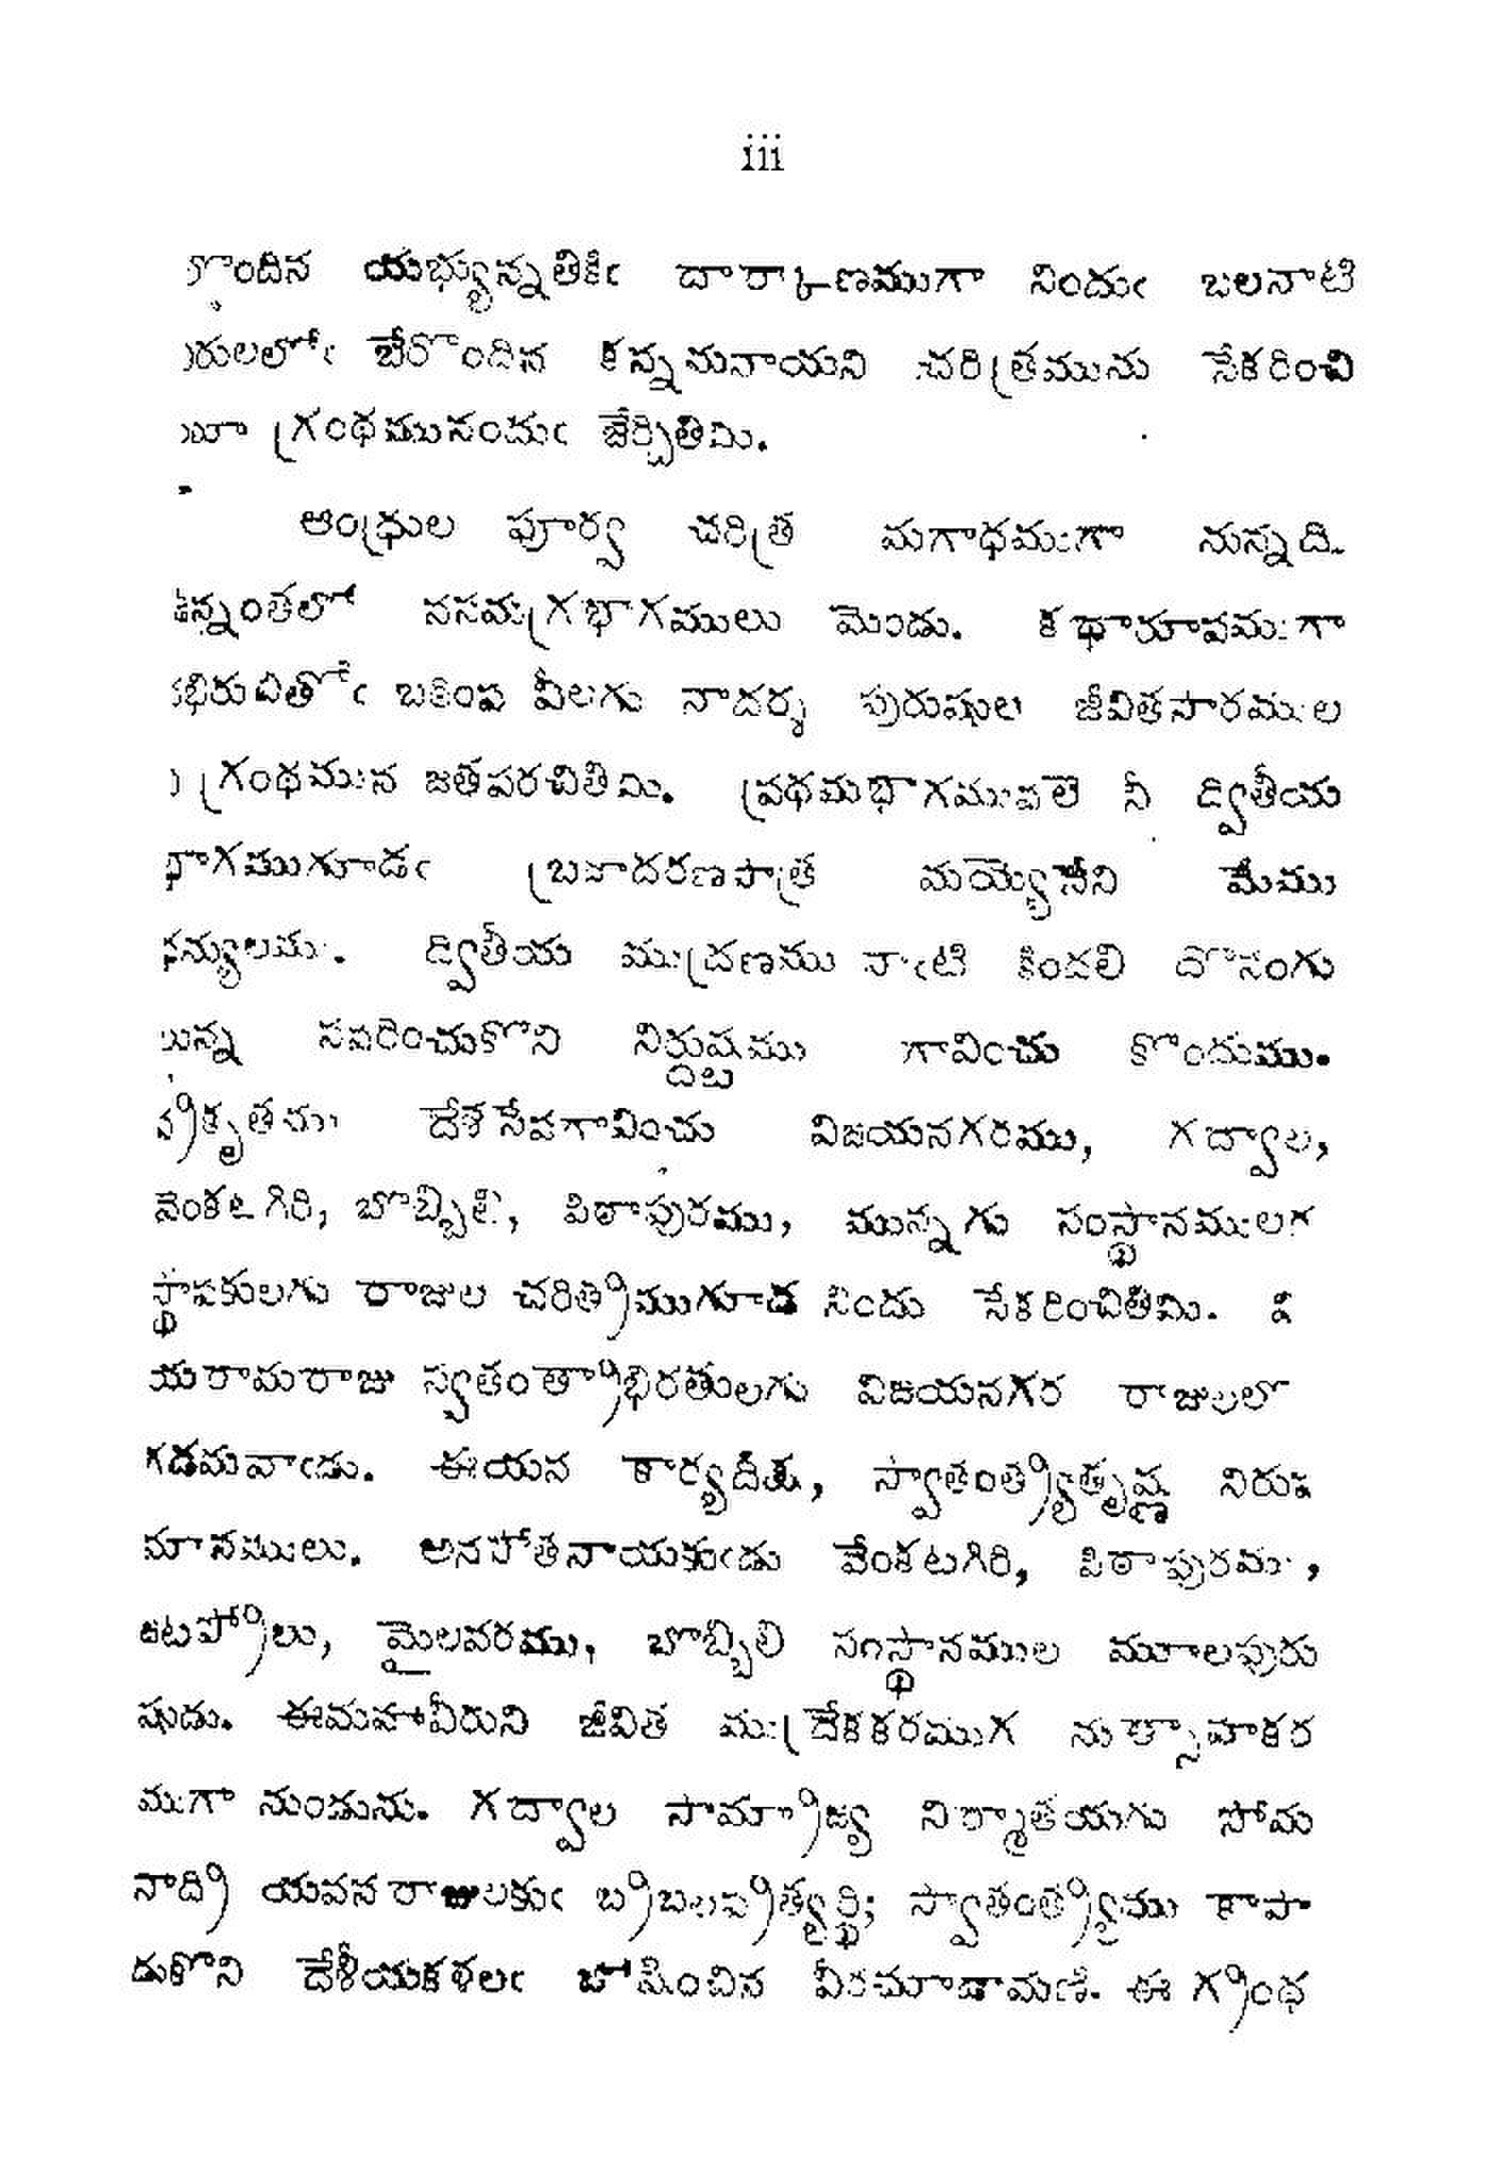లొందిన యభ్యున్నతికి దార్కాణముగా నిందు బలనాటి వీరులలో బేరొందిన కన్నమనాయని చరిత్రమును సేకరించి యీ గ్రంథమునందు జేర్చితిమి.

ఆంధ్రుల పూర్వచరిత్ర మగాధముగా నున్నది. ఉన్నంతలో నసమగ్రభాగములు మెండు. కథారూపముగా నభిరుచితో బఠింప వీలగు నాదర్శ పురుషుల జీవితసారముల నీ గ్రంథమున జతపరచితిమి. ప్రథమభాగమువలె నీ ద్వితీయ భాగముగూడ బ్రజాదరణపాత్ర మయ్యెనేని మేము ధన్యులము. ద్వితీయ ముద్రణము నాటి కిందలి దొసంగులున్న సవరించుకొని నిర్దుష్టము గావించు కొందుము. ప్రకృతము దేశసేవగావించు విజయనగరము, గద్వాల, వెంకటగిరి, బొబ్బిలి, పిఠాపురము, మున్నగు సంస్థానములకు స్థాపకులగు రాజుల చరిత్రముగూడ నిందు సేకరించితిమి. విజయరామరాజు స్వతంత్రాభిరతులగు విజయనగర రాజులలో గడమవాడు. ఈయన కార్యదీక్ష, స్వాతంత్ర్యతృష్ణ నిరుపమానములు, అనపోతనాయకుడు వేంకటగిరి, పిఠాపురము, జటప్రోలు, మైలవరము, బొబ్బిలి సంస్థానముల మూలపురుషుడు. ఈమహావీరుని జీవిత ముద్రేకకరముగ నుత్సాహకరముగా నుండును. గద్వాల సామ్రాజ్య నిర్మాతయగు సోమనాద్రి యవనరాజులకు బ్రబలప్రత్యర్థి; స్వాతంత్ర్యము కాపాడుకొని దేశీయకళల బోషించిన వీరచూడామణి. ఈ గ్రంథ